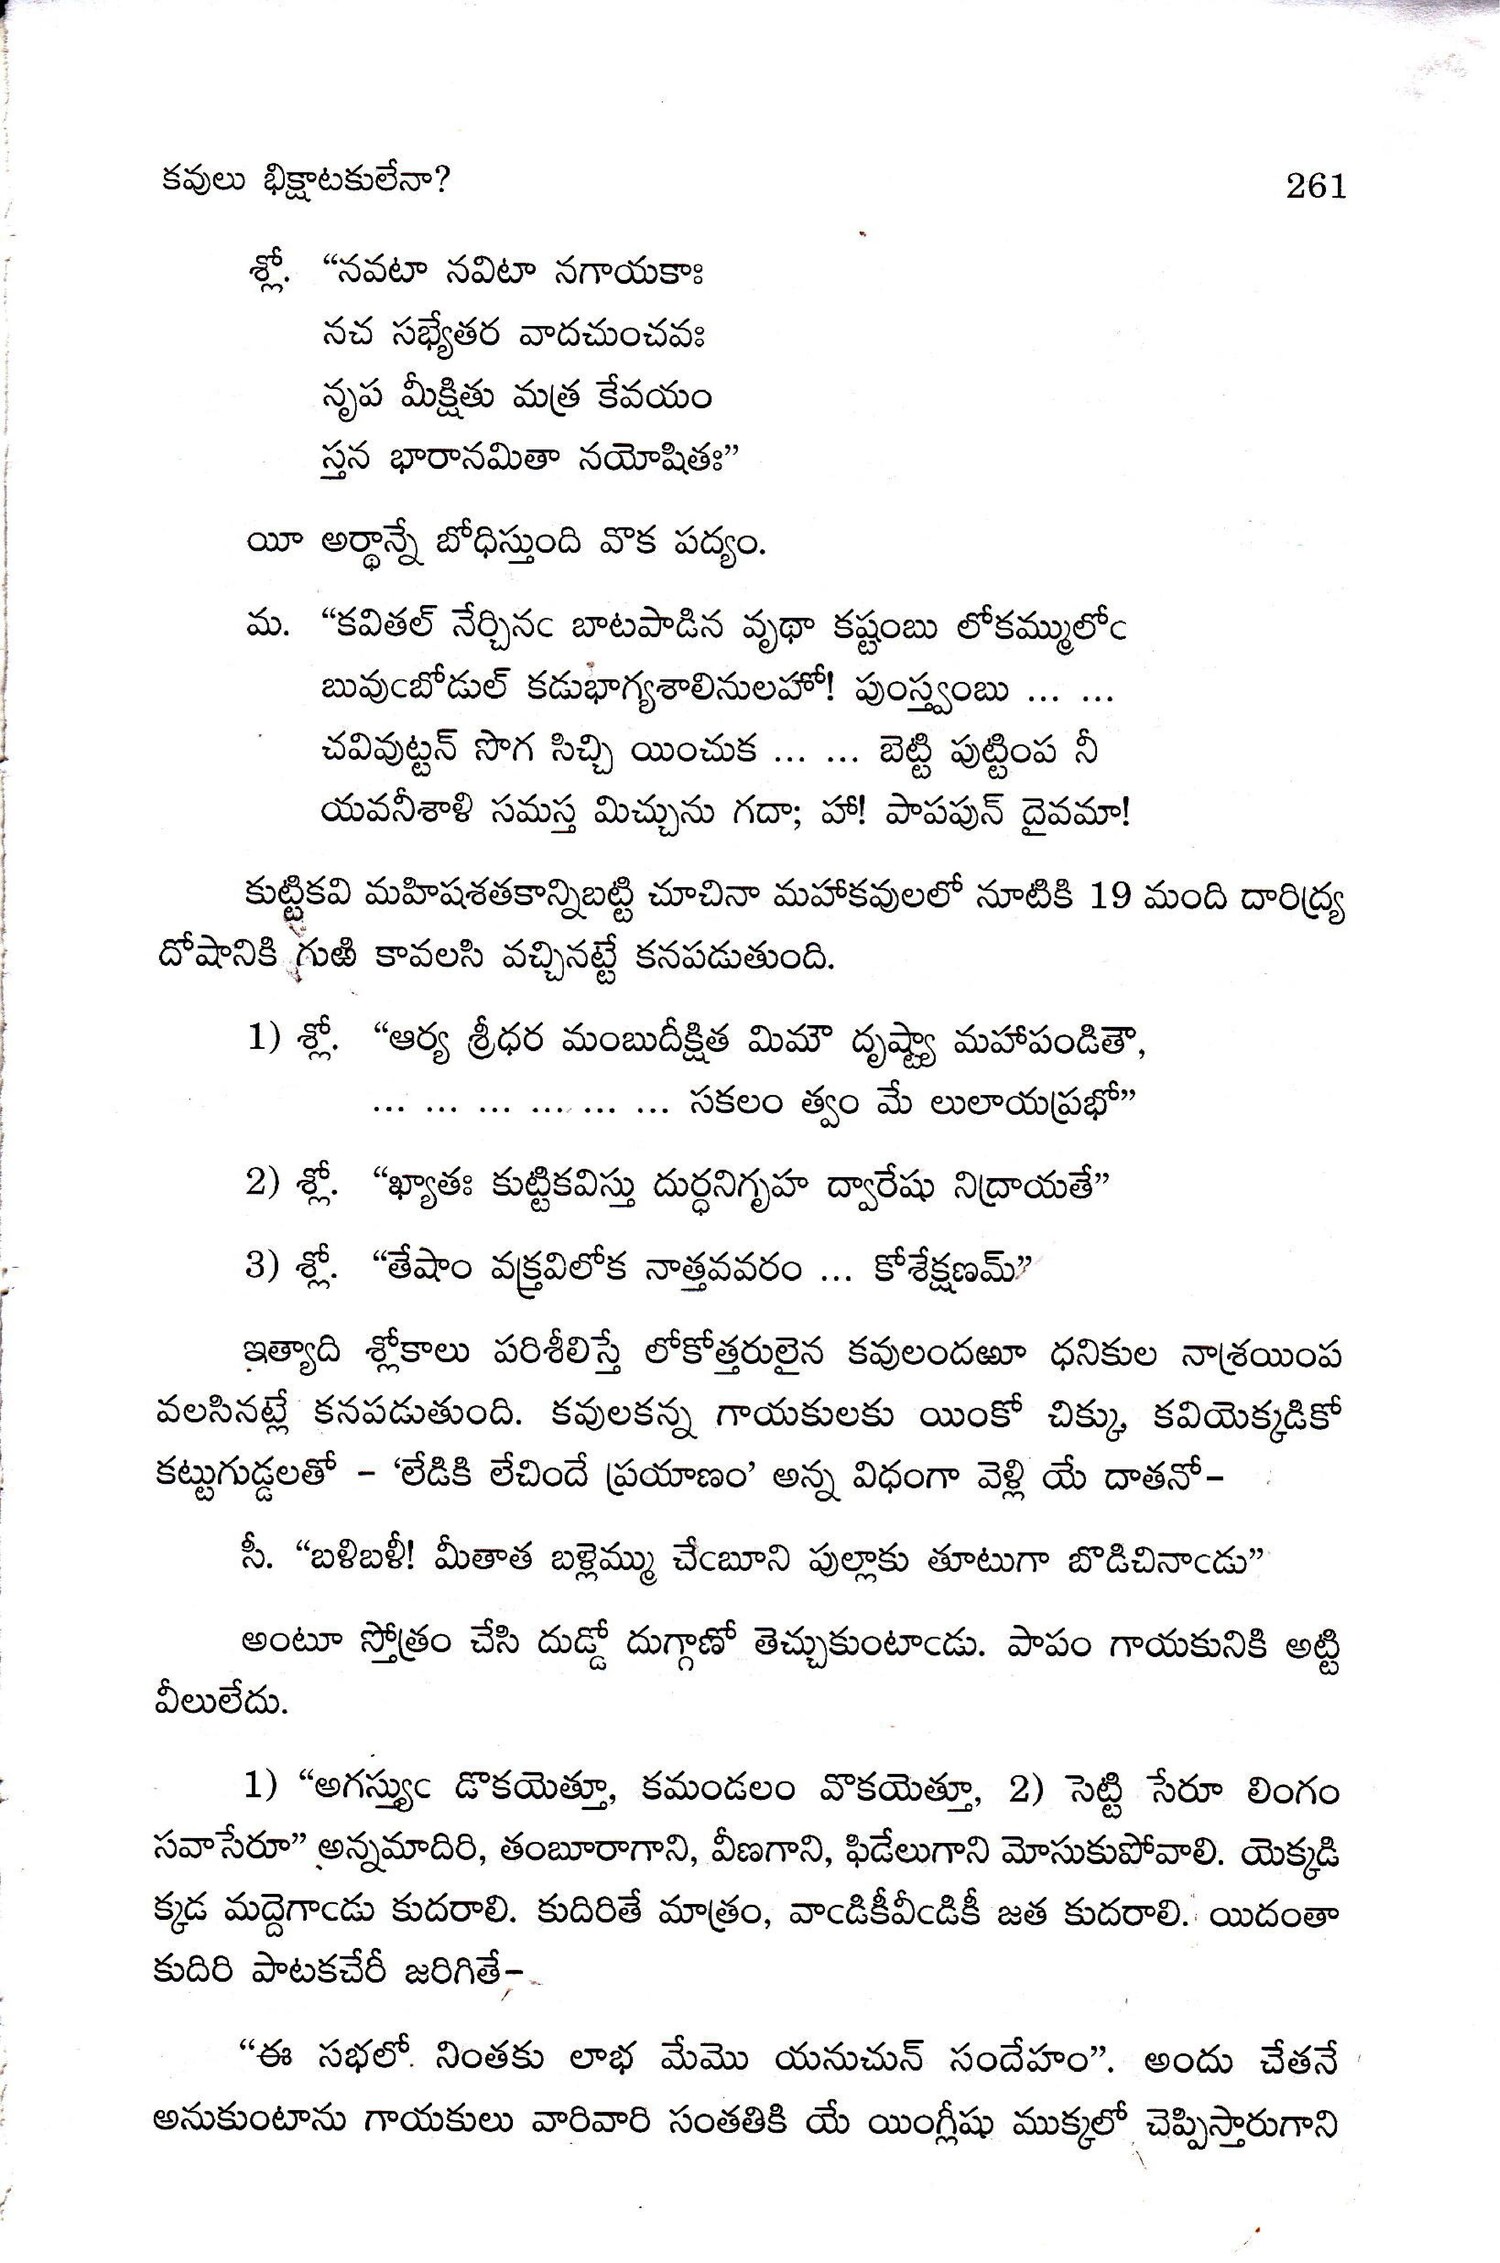శ్లో. “నవటా నవిటా నగాయకా 
 నచ సభ్యేతర వాదచుంచవః 
 నృప మీక్షితు మత్ర కేవయం 
 స్తన భారానమితా నయోషితః’
యీ అర్థాన్నే బోధిస్తుంది వొక పద్యం.

మ. "కవితల్ నేర్చినఁ బాటపాడిన వృథా కష్టంబు లోకమ్ములోఁ
 బువుఁబోడుల్ కడుభాగ్యశాలినులహో! పుంస్త్వంబు . . 
 చవివుట్టన్ సొగ సిచ్చి యించుక ... ... బెట్టి పుట్టింప నీ 
 యవనీశాళి సమస్త మిచ్చును గదా; హా! పాపపున్ దైవమా!
కుట్టికవి మహిషశతకాన్నిబట్టి చూచినా మహాకవులలో నూటికి 19 మంది దారిద్ర్య దోషానికి గుఱి కావలసి వచ్చినట్టే కనపడుతుంది.

1) శ్లో. "ఆర్య శ్రీధర మంబుదీక్షిత మిమౌ దృష్ట్యా మహాపండితౌ, 
 ............................ సకలం త్వం మే లులాయప్రభో" 

2) శ్లో. “ఖ్యాతః కుట్టికవిస్తు దుర్ధనిగృహ ద్వారేషు నిద్రాయతే" 

3) శ్లో. "తేషాం వక్రవిలోక నాత్తవవరం ... కోశేక్షణమ్” 
ఇత్యాది శ్లోకాలు పరిశీలిస్తే లోకోత్తరులైన కవులందఱూ ధనికుల నాశ్రయింప వలసినట్లే కనపడుతుంది. కవులకన్న గాయకులకు యింకో చిక్కు కవియెక్కడికో కట్టుగుడ్డలతో - లేడికి లేచిందే ప్రయాణం' అన్న విధంగా వెళ్లి యే దాతనో

సీ. “బళిబళీ! మీతాత బళ్లెమ్ము చేఁబూని పుల్లాకు తూటుగా బొడిచినాఁడు"
అంటూ స్తోత్రం చేసి దుడ్డో దుగ్గాణో తెచ్చుకుంటాఁడు. పాపం గాయకునికి అట్టి వీలులేదు.

1) “అగస్త్యుఁ డొకయెత్తూ, కమండలం వొకయెత్తూ, 2) సెట్టి సేరూ లింగం సవాసేరూ” అన్నమాదిరి, తంబూరాగాని, వీణగాని, ఫిడేలుగాని మోసుకుపోవాలి. యెక్కడి క్కడ మద్దెగాఁడు కుదరాలి. కుదిరితే మాత్రం, వాఁడికీవీఁడికీ జత కుదరాలి. యిదంతా కుదిరి పాటకచేరీ జరిగితే-

“ఈ సభలో నింతకు లాభ మేమొ యనుచున్ సందేహం”. అందు చేతనే అనుకుంటాను గాయకులు వారివారి సంతతికి యే యింగ్లీషు ముక్కలో చెప్పిస్తారుగాని